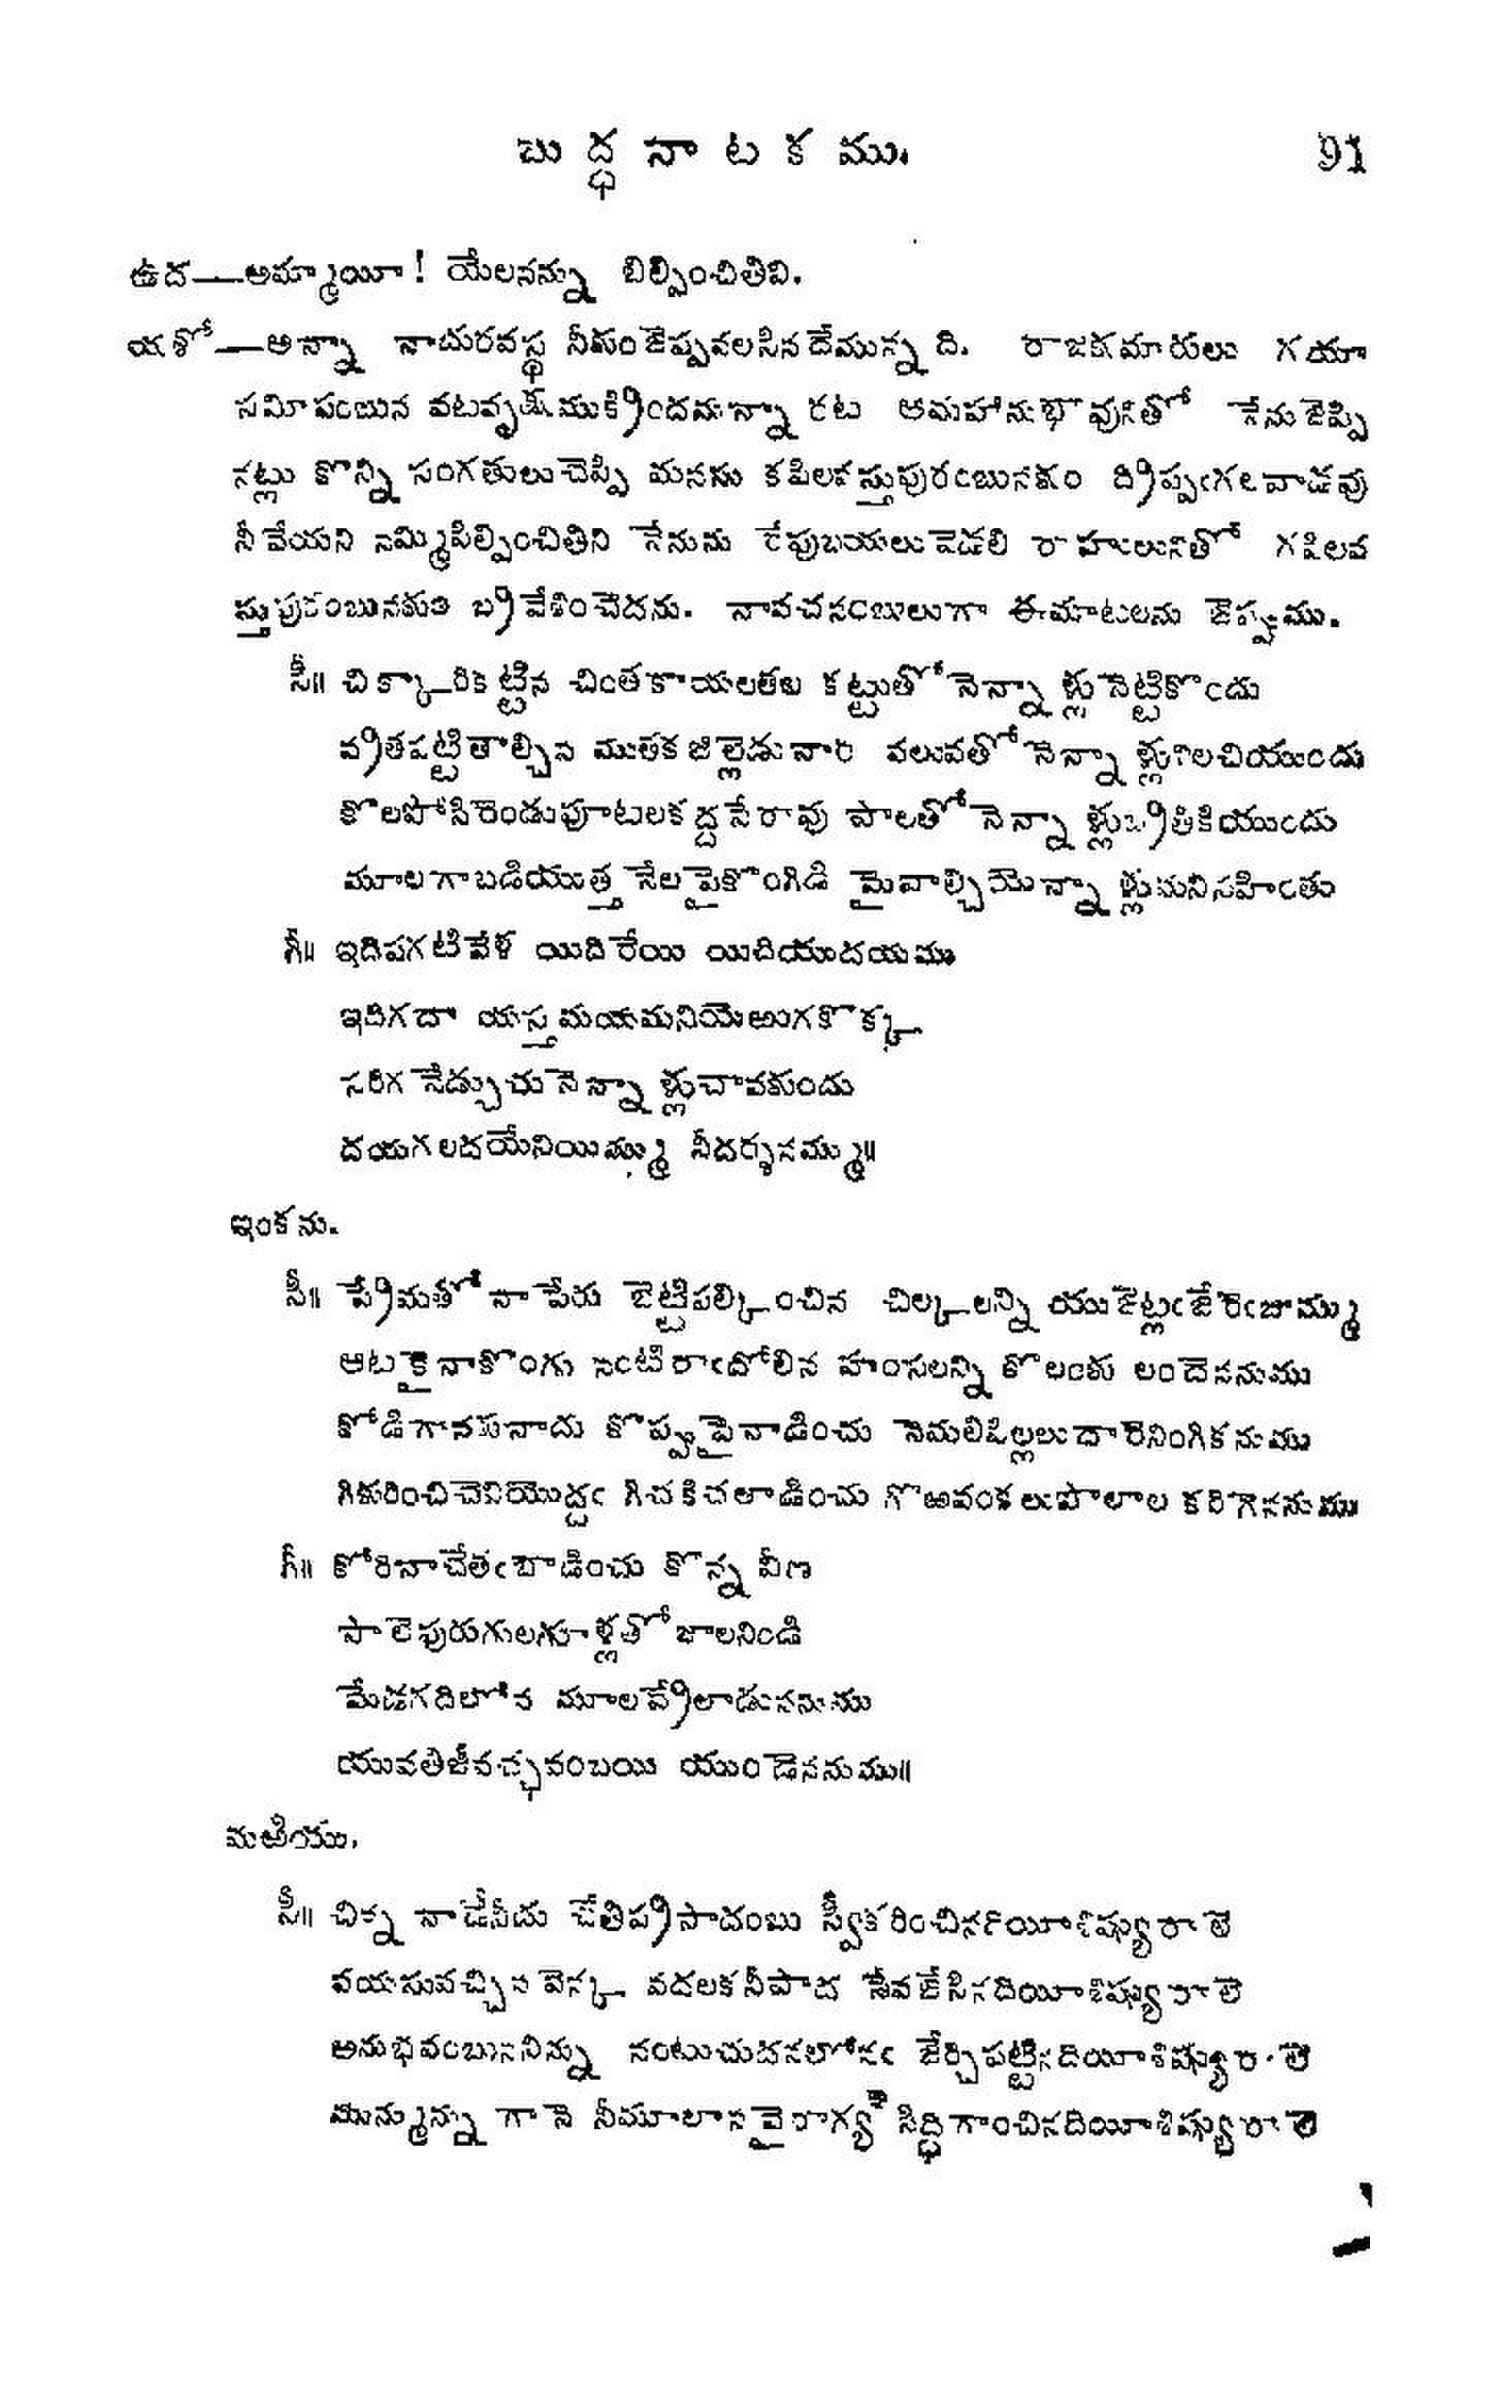ఉద - అమ్మాయీ! యేలనన్ను బిల్పించితివి.

యశో - అన్నా నాదురవస్థ నీసంజెప్పవలసినదేమున్నది. రాజకమారులు గయా సమీపంబున వటవృక్షముక్తిందనున్నారట అమహానుభావునితో నేనుజెప్పినట్లు కొన్ని సంగతులు చెప్పి మనను కపిలవస్తుపురంబునకం ద్రిప్పఁగలవాడవు నీవేయని నమ్మి 
పిల్పించితిని నేనును రేపుబయలువెడలి రాహులునితో గపిలవస్తుపురంబునకుం బ్రవేశించెదను. నా వచనంబులుగా ఈమాటలను చెప్పుము.

సీ॥ చిక్కారికట్టిన చింతకాయలతల కట్టుతో నెన్నాళ్లు నెట్టికొఁదు
వ్రతపట్టితాల్చిన ముతకజిల్లెడునార వలువతో నెన్నాళ్లునిలచియుండు
కొలపోసిరెండుపూటలకద్దనేరావు పాలతో నెన్నాళ్లుబ్రతికియుఁదు
మూలగాబడియుత్త నేలపైకొంగిడి మైవాల్చియెన్నాళ్లుమనిసహింతు 

గీ॥ ఇదిపగటివేళ యిదిరేయి యిరియుదయము
ఇదిగదా యస్తమయమనియెఱుగకొక్క
సరిగ నేడ్చుచునెన్నాళ్లుచావకుండు
దయగలదయేనియిమ్ము నీదర్శనమ్ము॥ 

ఇంకను. 

సీ॥ ప్రేమతో నాపేరు బెట్టిపల్కించిన చిల్కలన్ని యుకెట్లఁజేరిఁజుమ్ము
ఆటకైనాకొంగు నెఁటిరాఁబోలిన హంసలన్ని కొలంకు లందెననుము
కోడిగానకునాదు కొప్పుపైనాడించు నెమలిపిల్లలుదారెనింగికనుము
గికురించిచెవియొద్ద గిచకిచలాడించు గొఱవంకలుపొలాలకరిగెననుము

గీ॥ కోరినాచేతఁబాడించు కొన్నవీణ
సాలెపురుగులగూళ్లతో జాలనిండి
మేడగదిలోన మూలవ్రేలాడుననుము 
యువతిజీవచ్ఛవంబయి యుండెననుము॥ 

మఱియు 

సీ॥ చిన్ననాడేనీదు చేతిప్రసాదంబు స్వీకరించినదియీశిష్యురాలే
వయసువచ్చిన వెన్క వదలకనీపాద సేవజేసినదియీశిష్యురాలె
అనుభవంబుననిన్ను నంటుచుదనలోనఁ జేర్చిపట్టినదియిశిష్యురాలే
మున్మున్నగానె నీమాలానవైరాగ్యసిద్ధిగాంచినదియీశిష్యురాలె